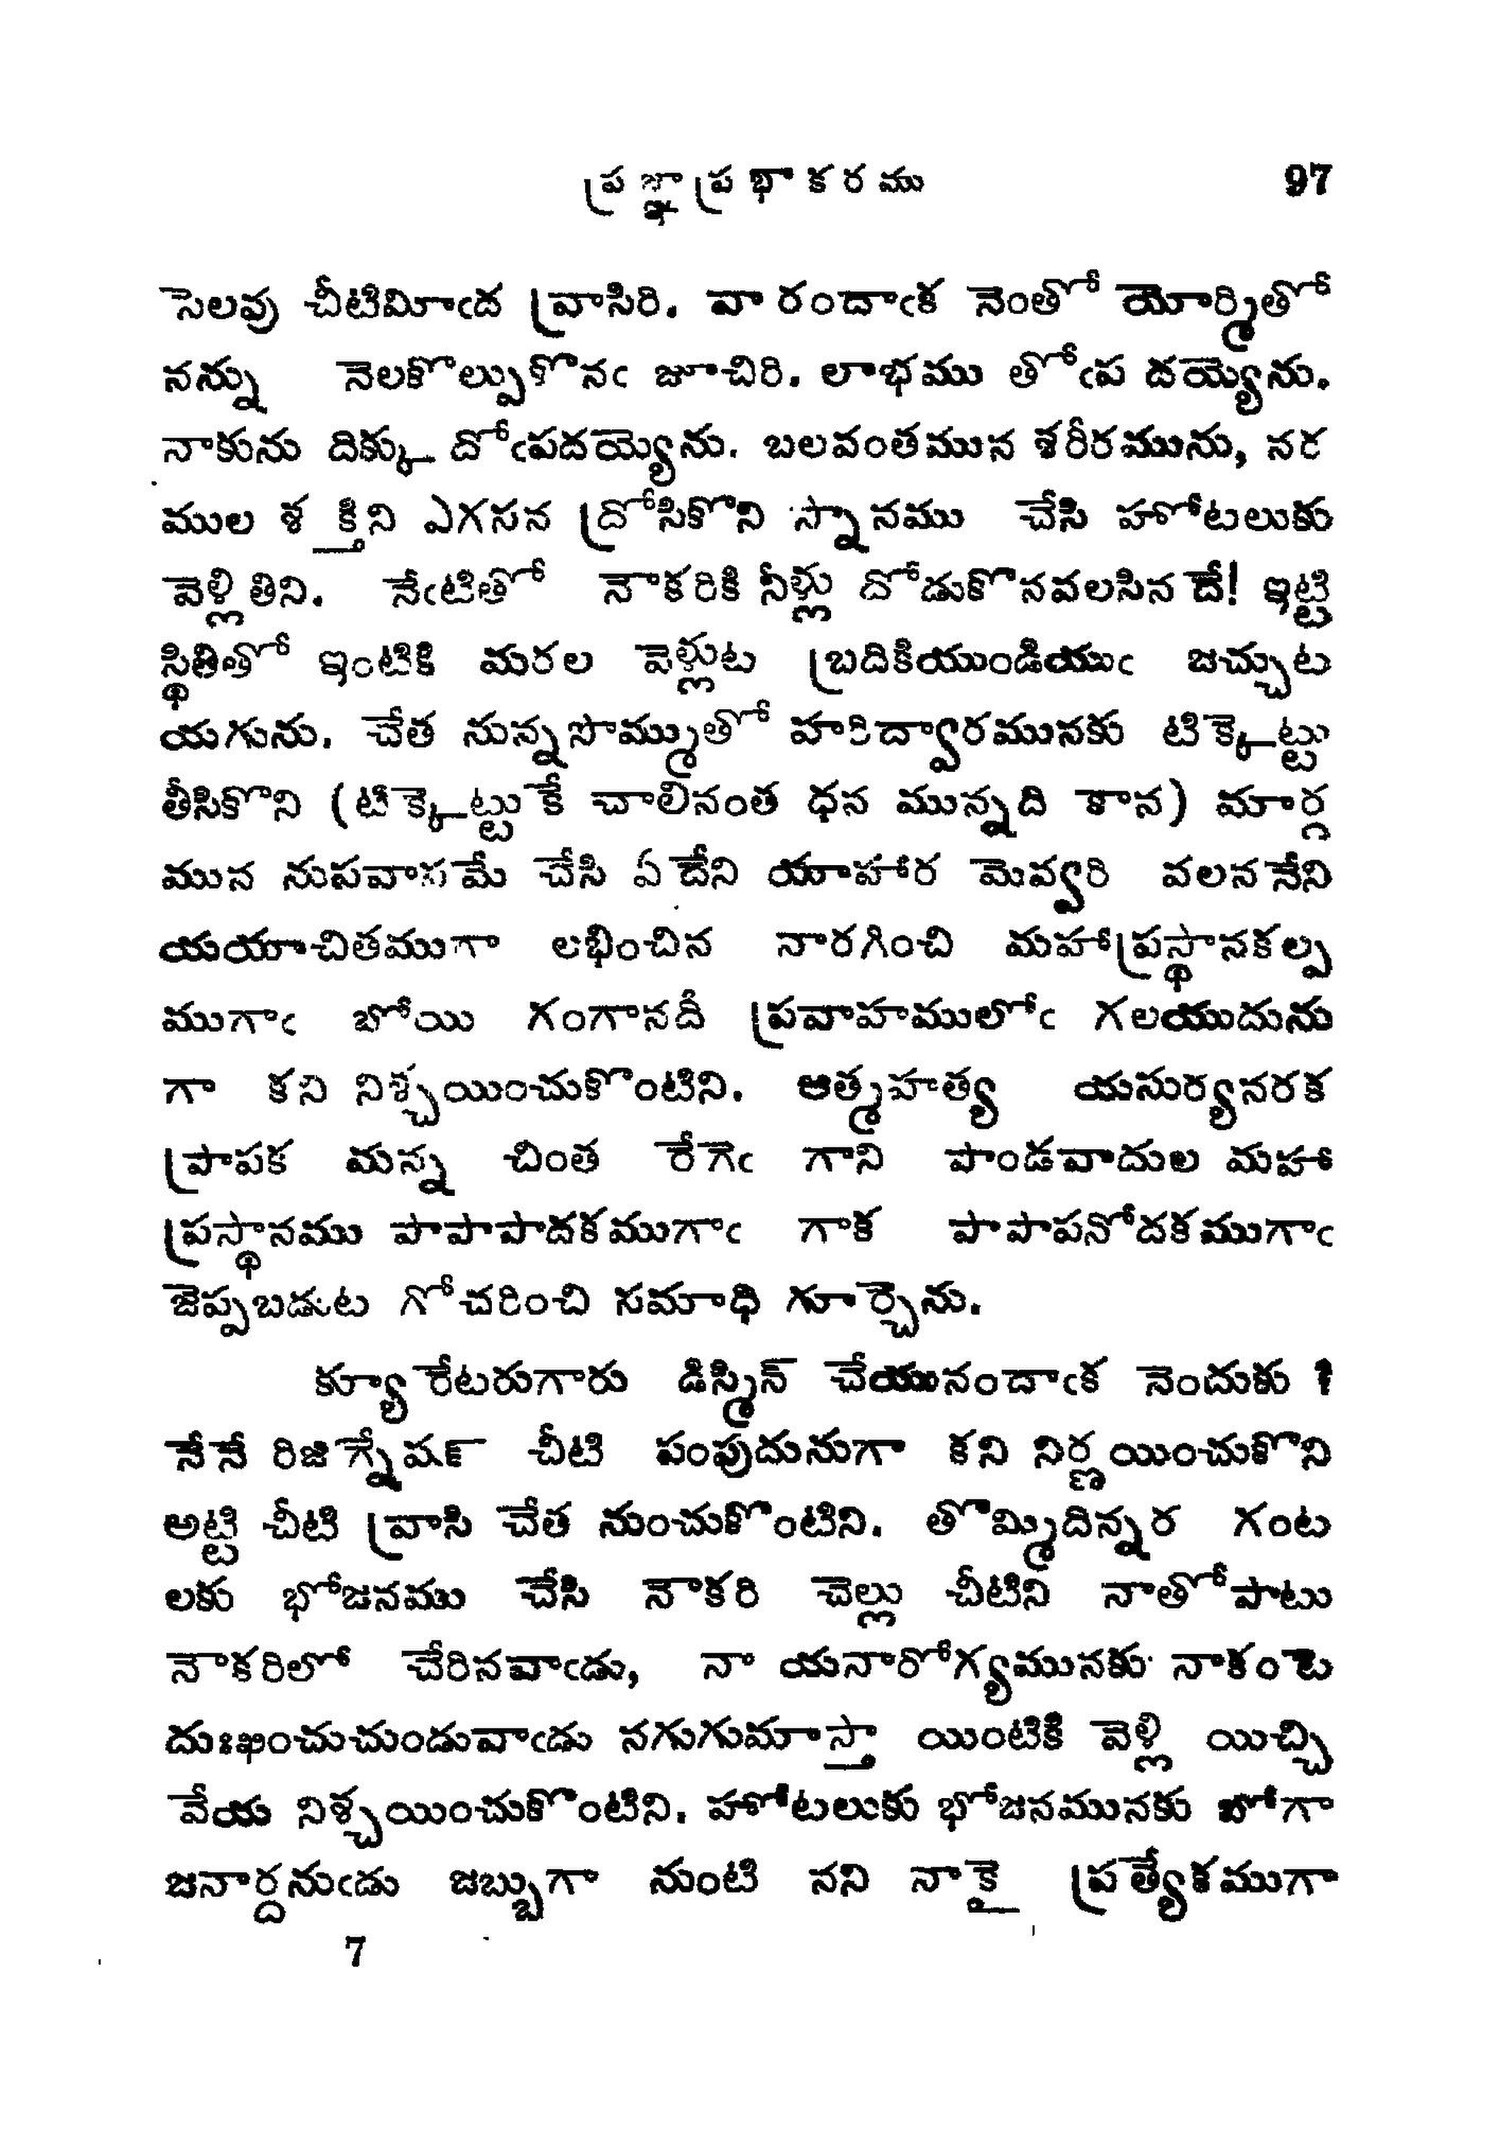సెలవు చీటి మిఁద వ్రాసిరి. వ రందాఁ క నెంతో యోర్మితో నన్ను నెలకొల్పుకొనఁ జూచిరి. లాభము తోఁప దయ్యెను. నాకును దిక్కు దోఁప దయ్యెను. బలవంతమున శరీరమును, నరముల శక్తిని ఎగసన ద్రోసికొని స్నానము చేసి హొటలుకు వెళ్ళితిని. నేఁటితో నౌకరికి నీళ్ళు దోడు కొనకవలసినదే! ఇట్టి స్దితితో ఇంటికి మరల వెళ్లుట బ్రదికియుండియుఁ జచ్చుట యగును. చేత నున్న సొమ్ముతో హరి ద్వారమునకు టిక్కెట్టు తీసికొని (టిక్కెట్టు కే చాలినంత ధన మున్నది కాన) మార్గమున నుపవాస మే చేసి ఏ దేని యాహార మెవ్వరి వలన నేని యాయుచితముగా లభించిన నారగించి మహా ప్రస్ధాన కల్పముగాఁ బోయి గంగానదీ ప్రవాహములోఁ గల యుదును గాకాని నిశ్చయించుకొంటిని. ఆత్మాహత్య యసుర్య నరక ప్రాపక మన్న చింత రేగెఁగాని పండ వాదుల మహా ప్రస్దానము పాపాపాదకముగాఁ గాక పాపాపనోదకముగాఁ జెప్పుబదుట గోచరించి సమాధి గూర్చెను.

క్యూరేటరుగారు డిస్మిస్ చేయునందాఁక నెందుకు? నేనే రిజిగ్నేష౯ చీటి పంపుదునుగా కని నిర్ణయించుకొని అట్టి చీటి వ్రాసి చేత నంచుకొంటిని. తొమ్మిదిన్నర గంటలకు భోజనము చేసి నౌకరి చెల్లు చీటిని నాతో పాటు నౌకరిలో చేరిన వాఁడు, నా యనరోగ్యమునకునాకంటె దుఃఖించుచుండువాఁ డు నగుమాస్తా యింటికి వెళ్ళి యిచ్చి వేయ నిశ్చయించు కొంటిని. హొటలుకు భోజనమునకు బోగాజనార్దనుఁడు జబ్బుగా నంటి నని నాకై ప్రత్యేకముగా